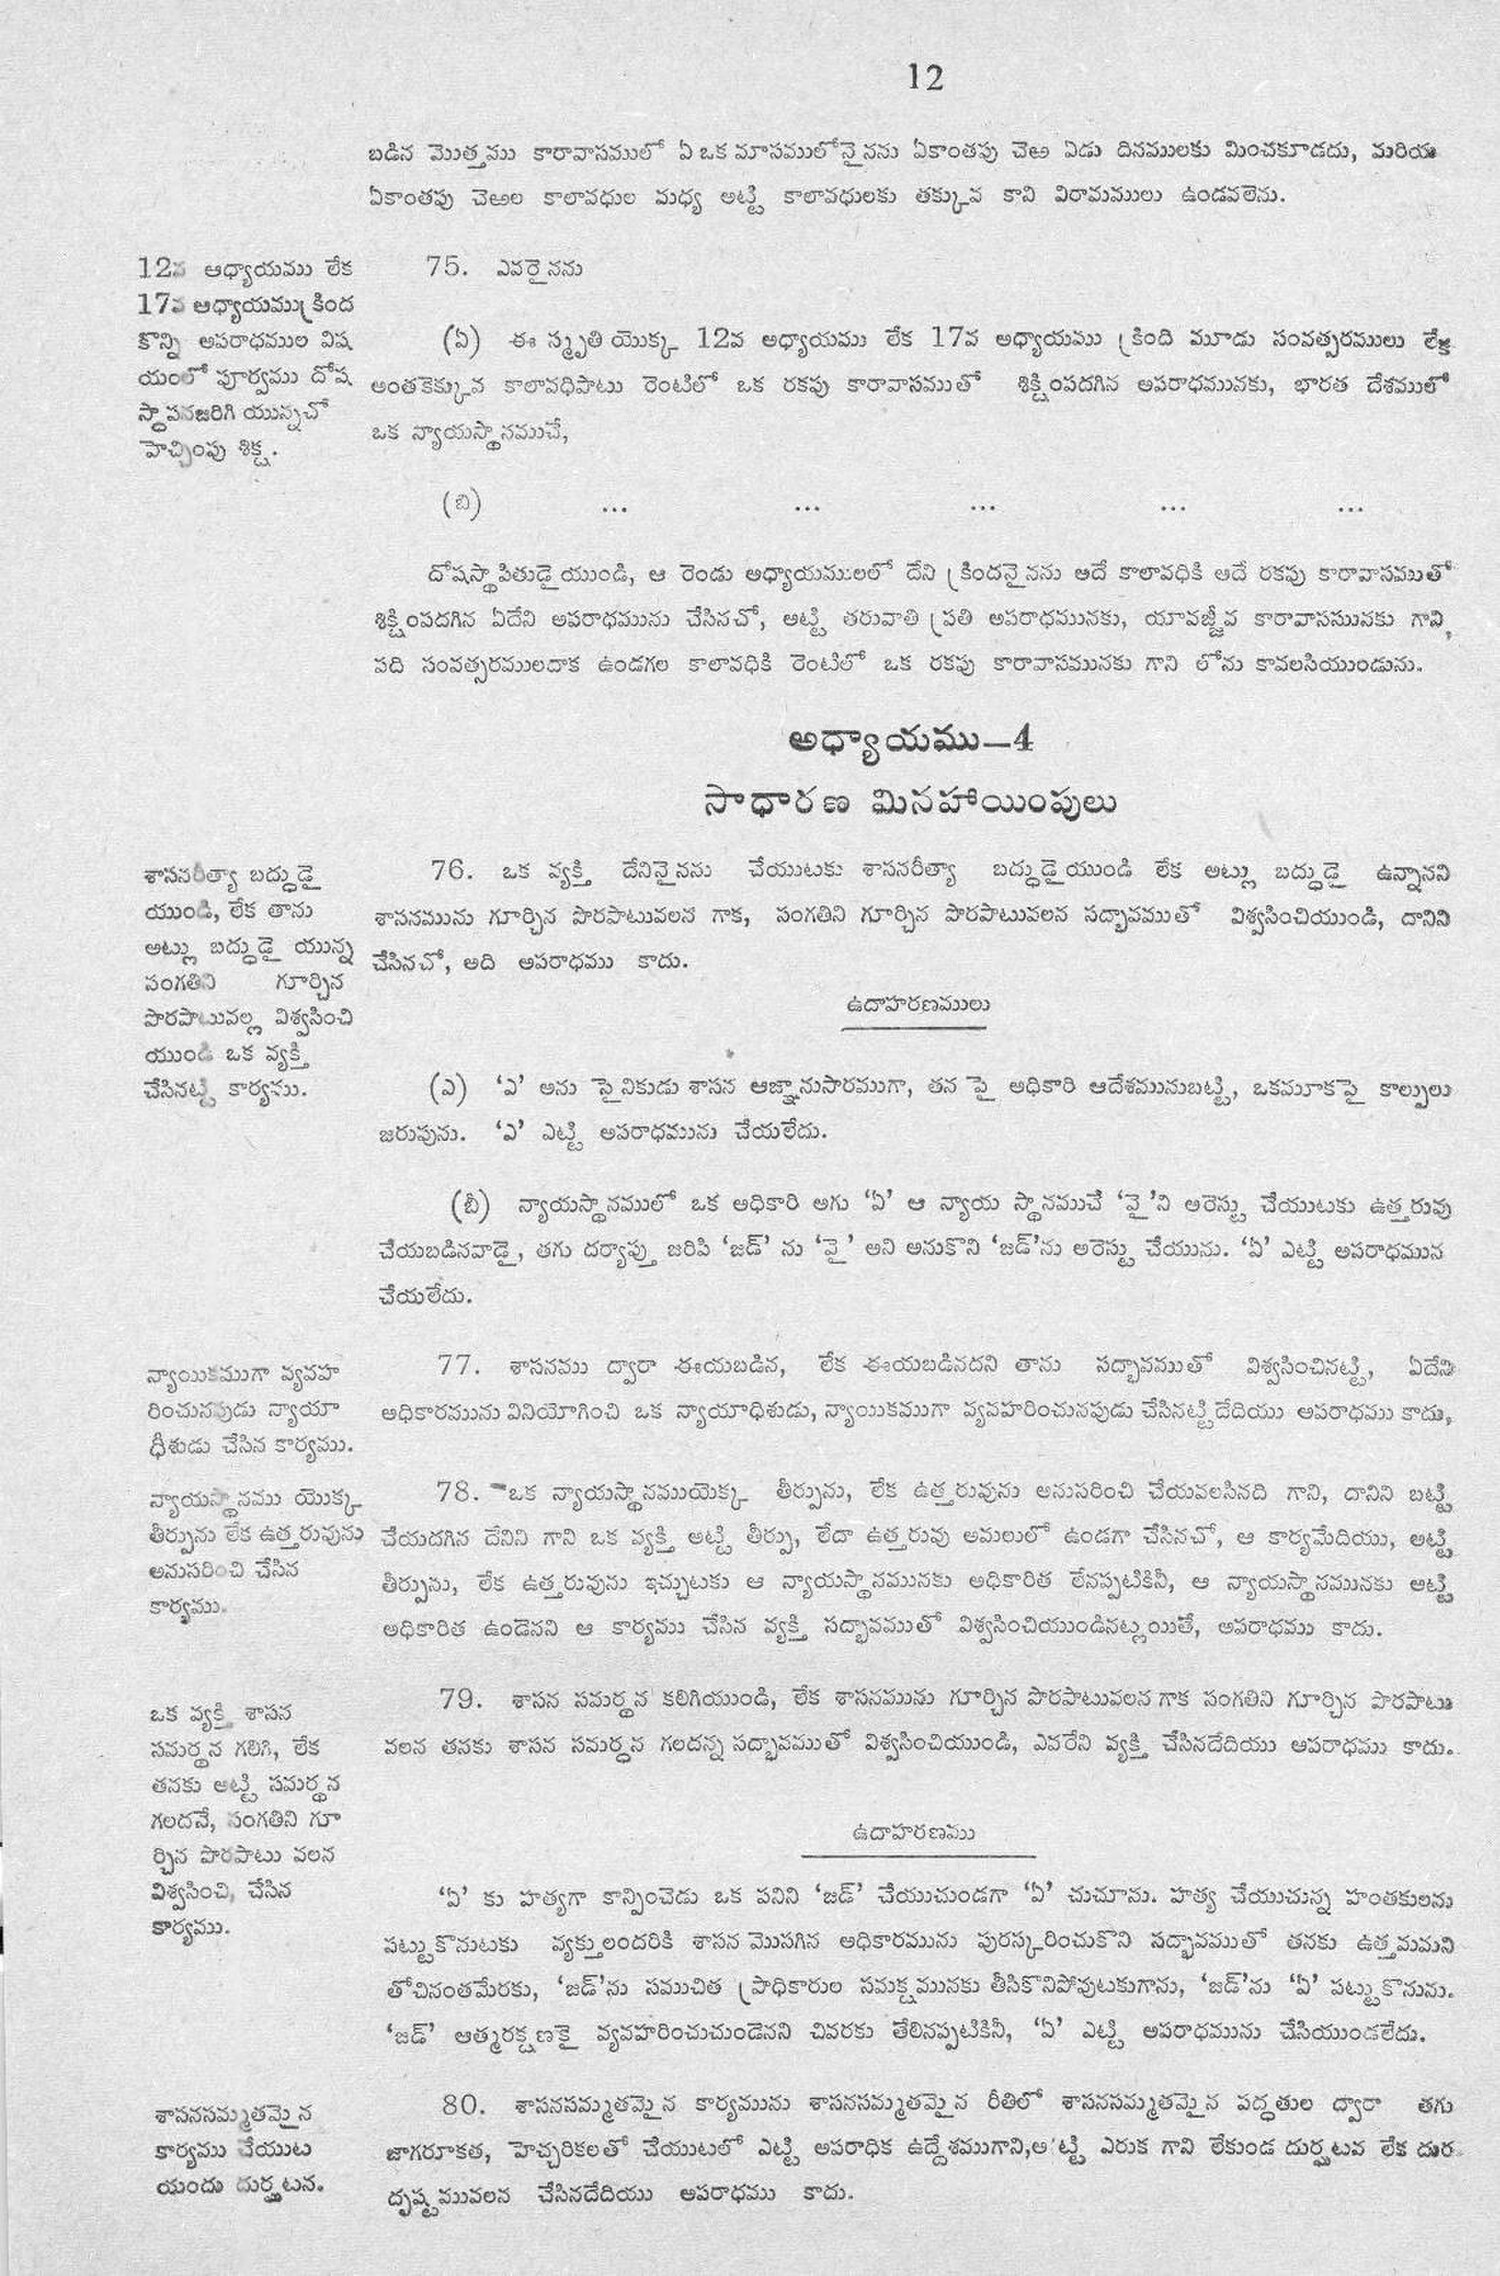బడిన మొత్తము కారావాసములో ఏ ఒక మాసములోనైనను ఏకాంతపు చెఱ ఏడు దినములకు మించకూడదు, మరియు
ఏకాంతపు చెఱల కాలావధుల మధ్య అట్టి కాలావధులకు తక్కువ కాని విరామములు ఉండవలెను.

12వ ఆధ్యాయము లేక 17వ అధ్యాయము క్రింద కొన్ని అపరాధముల విషయంలో పూర్వము దోష స్థాపనజరిగి యున్నచో హెచ్చింపు శిక్ష.

75. ఎవరైనను

(ఏ) ఈ స్మృతి యొక్క 12వ అధ్యాయము లేక 17వ అధ్యాయము క్రింది మూడు సంవత్సరములు లేక అంతకెక్కువ కాలావధిపాటు రెంటిలో ఒక రకపు కారావాసముతో శిక్షింపదగిన అపరాధమునకు, భారత దేశములో ఒక న్యాయస్థానముచే,

(బి) ... ... ... ... ...

దోషస్థాపితుడై యుండి, ఆ రెండు అధ్యాయములలో దేని క్రిందనైనను ఆదే కాలావధికి అదే రకపు కారావాసముతో
శిక్షింపదగిన ఏదేని అపరాధమును చేసినచో, అట్టి తరువాతి ప్రతి అపరాధమునకు, యావజ్జీవ కారావాసమునకు గాని,
పది సంవత్సరములదాక ఉండగల కాలావధికి రెంటిలో ఒక రకపు కారావాసమునకు గాని లోను కావలసియుండును.

శాసనరీత్యా బద్దుడై యుండి, లేక తాను అట్లు బద్దుడై యున్న సంగతిని గూర్చిన పొరపాటువల్ల విశ్వసించి యుండి ఒక వ్యక్తి చేసినట్టి కార్యము.

76. ఒక వ్యక్తి దేనినైనను చేయుటకు శాసనరీత్యా బద్దుడై యుండి లేక అట్లు బద్దుడై ఉన్నానని శాసనమును గూర్చిన పొరపాటువలన గాక, సంగతిని గూర్చిన పొరపాటువలన సద్భావముతో విశ్వసించియుండి, దానిని చేసినచో, అది అపరాధము కాదు.

(ఎ) 'ఎ' అను సైనికుడు శాసన ఆజ్ఞానుసారముగా, తన పై అధికారి ఆదేశమునుబట్టి , ఒకమూకపై కాల్పులు జరుపును. 'ఎ' ఎట్టి అపరాధమును చేయలేదు.

(బి) న్యాయస్థానములో ఒక అధికారి అగు 'ఏ' ఆ న్యాయ స్థానముచే 'వై'ని అరెస్టు చేయుటకు ఉత్తరువు చేయబడినవాడై , తగు దర్యాప్తు జరిపి 'జడ్' ను 'వై' అని అనుకొని 'జడ్'ను అరెస్టు చేయును. 'ఏ' ఎట్టి అపరాధమున చేయలేదు.

వ్యాయికముగా వ్యవహరించునపుడు న్యాయాధీశుడు చేసిన కార్యము.
 
77. శాసనము ద్వారా ఈయబడిన, లేక ఈయబడినదని తాను సద్భాసముతో విశ్వసించినట్టి, ఏదేని అధికారమును వినియోగించి ఒక న్యాయాధిశుడు, వ్యాయికముగా వ్యవహరించునపుడు చేసినట్టి దేదియు అపరాధము కాదు,

న్యాయస్థానము యొక్క తీర్పును, లేక ఉత్తరువును అనుసరించి చేసిన కార్యము.

78. "ఒక న్యాయస్థానముయెక్క తీర్పును, లేక ఉత్తరువును అనుసరించి చేయవలసినది గాని, దానిని బట్టి చేయదగిన దేనిని గాని ఒక వ్యక్తి అట్టి తీర్పు, లేదా ఉత్తరువు అమలులో ఉండగా చేసినచో, ఆ కార్యమేదియు, అట్టి తీర్పును, లేక ఉత్తరువును ఇచ్చుటకు ఆ న్యాయస్థానమునకు అధికారిత లేనప్పటికినీ, ఆ న్యాయస్థానమునకు అట్టి అధికారిత ఉండెనని ఆ కార్యము చేసిన వ్యక్తి సద్భావముతో విశ్వసించియుండినట్లయితే, అపరాధము కాదు.

ఒక వ్యక్తి శాసన సమర్ధన గలిగి, లేక తనకు అట్టి సమర్థన గలదనే సంగతిని గూర్చిన పొరపాటు వలన విశ్వసించి, చేసిన కార్యము.

79. శాసన సమర్థన కలిగియుండి, లేక శాసనమును గూర్చిన పొరపాటువలన గాక సంగతిని గూర్చిన పొరపాటు వలన తనకు శాసన సమర్ధన గలదన్న సద్భావముతో విశ్వసించి యుండి, ఎవరేని వ్యక్తి చేసినదేదియు ఆపరాధము కాదు.

'ఏ' కు హత్యగా కాన్పించెడు ఒక పనిని 'జడ్' చేయుచుండగా 'ఏ' చూచును. హత్య చేయుచున్న హంతకులను
పట్టుకొనుటకు వ్యక్తులందరికి శాసన మొసగిన అధికారమును పురస్కరించుకొని సద్భావముతో తనకు ఉత్తమమని
తోచినంత మేరకు, 'జడ్'ను సముచిత ప్రాధికారుల సమక్షమునకు తీసికొనిపోవుటకుగాను, 'జడ్'ను 'ఏ' పట్టు కొనును. 'జడ్' ఆత్మరక్షణకై వ్యవహరించుచుండెనని చివరకు తేలినప్పటికినీ, 'ఏ' ఎట్టి అపరాధమును చేసియుండలేదు.

శాసనసమ్మతమైన కార్యము చేయుట యందు దుర్ఘటన.

80. శాసనసమ్మతమైన కార్యమును శాసనసమ్మతమైన రీతిలో శాసనసమ్మతమైన పద్ధతుల ద్వారా తగు జాగరూకత, హెచ్చరికలతో చేయుటలో ఎట్టి అపరాధిక ఉద్దేశముగాని, అట్టి ఎరుక గాని లేకుండ దుర్ఘటన లేక దురదృష్టమువలన చేసినదేదియు అపరాధము కాదు.